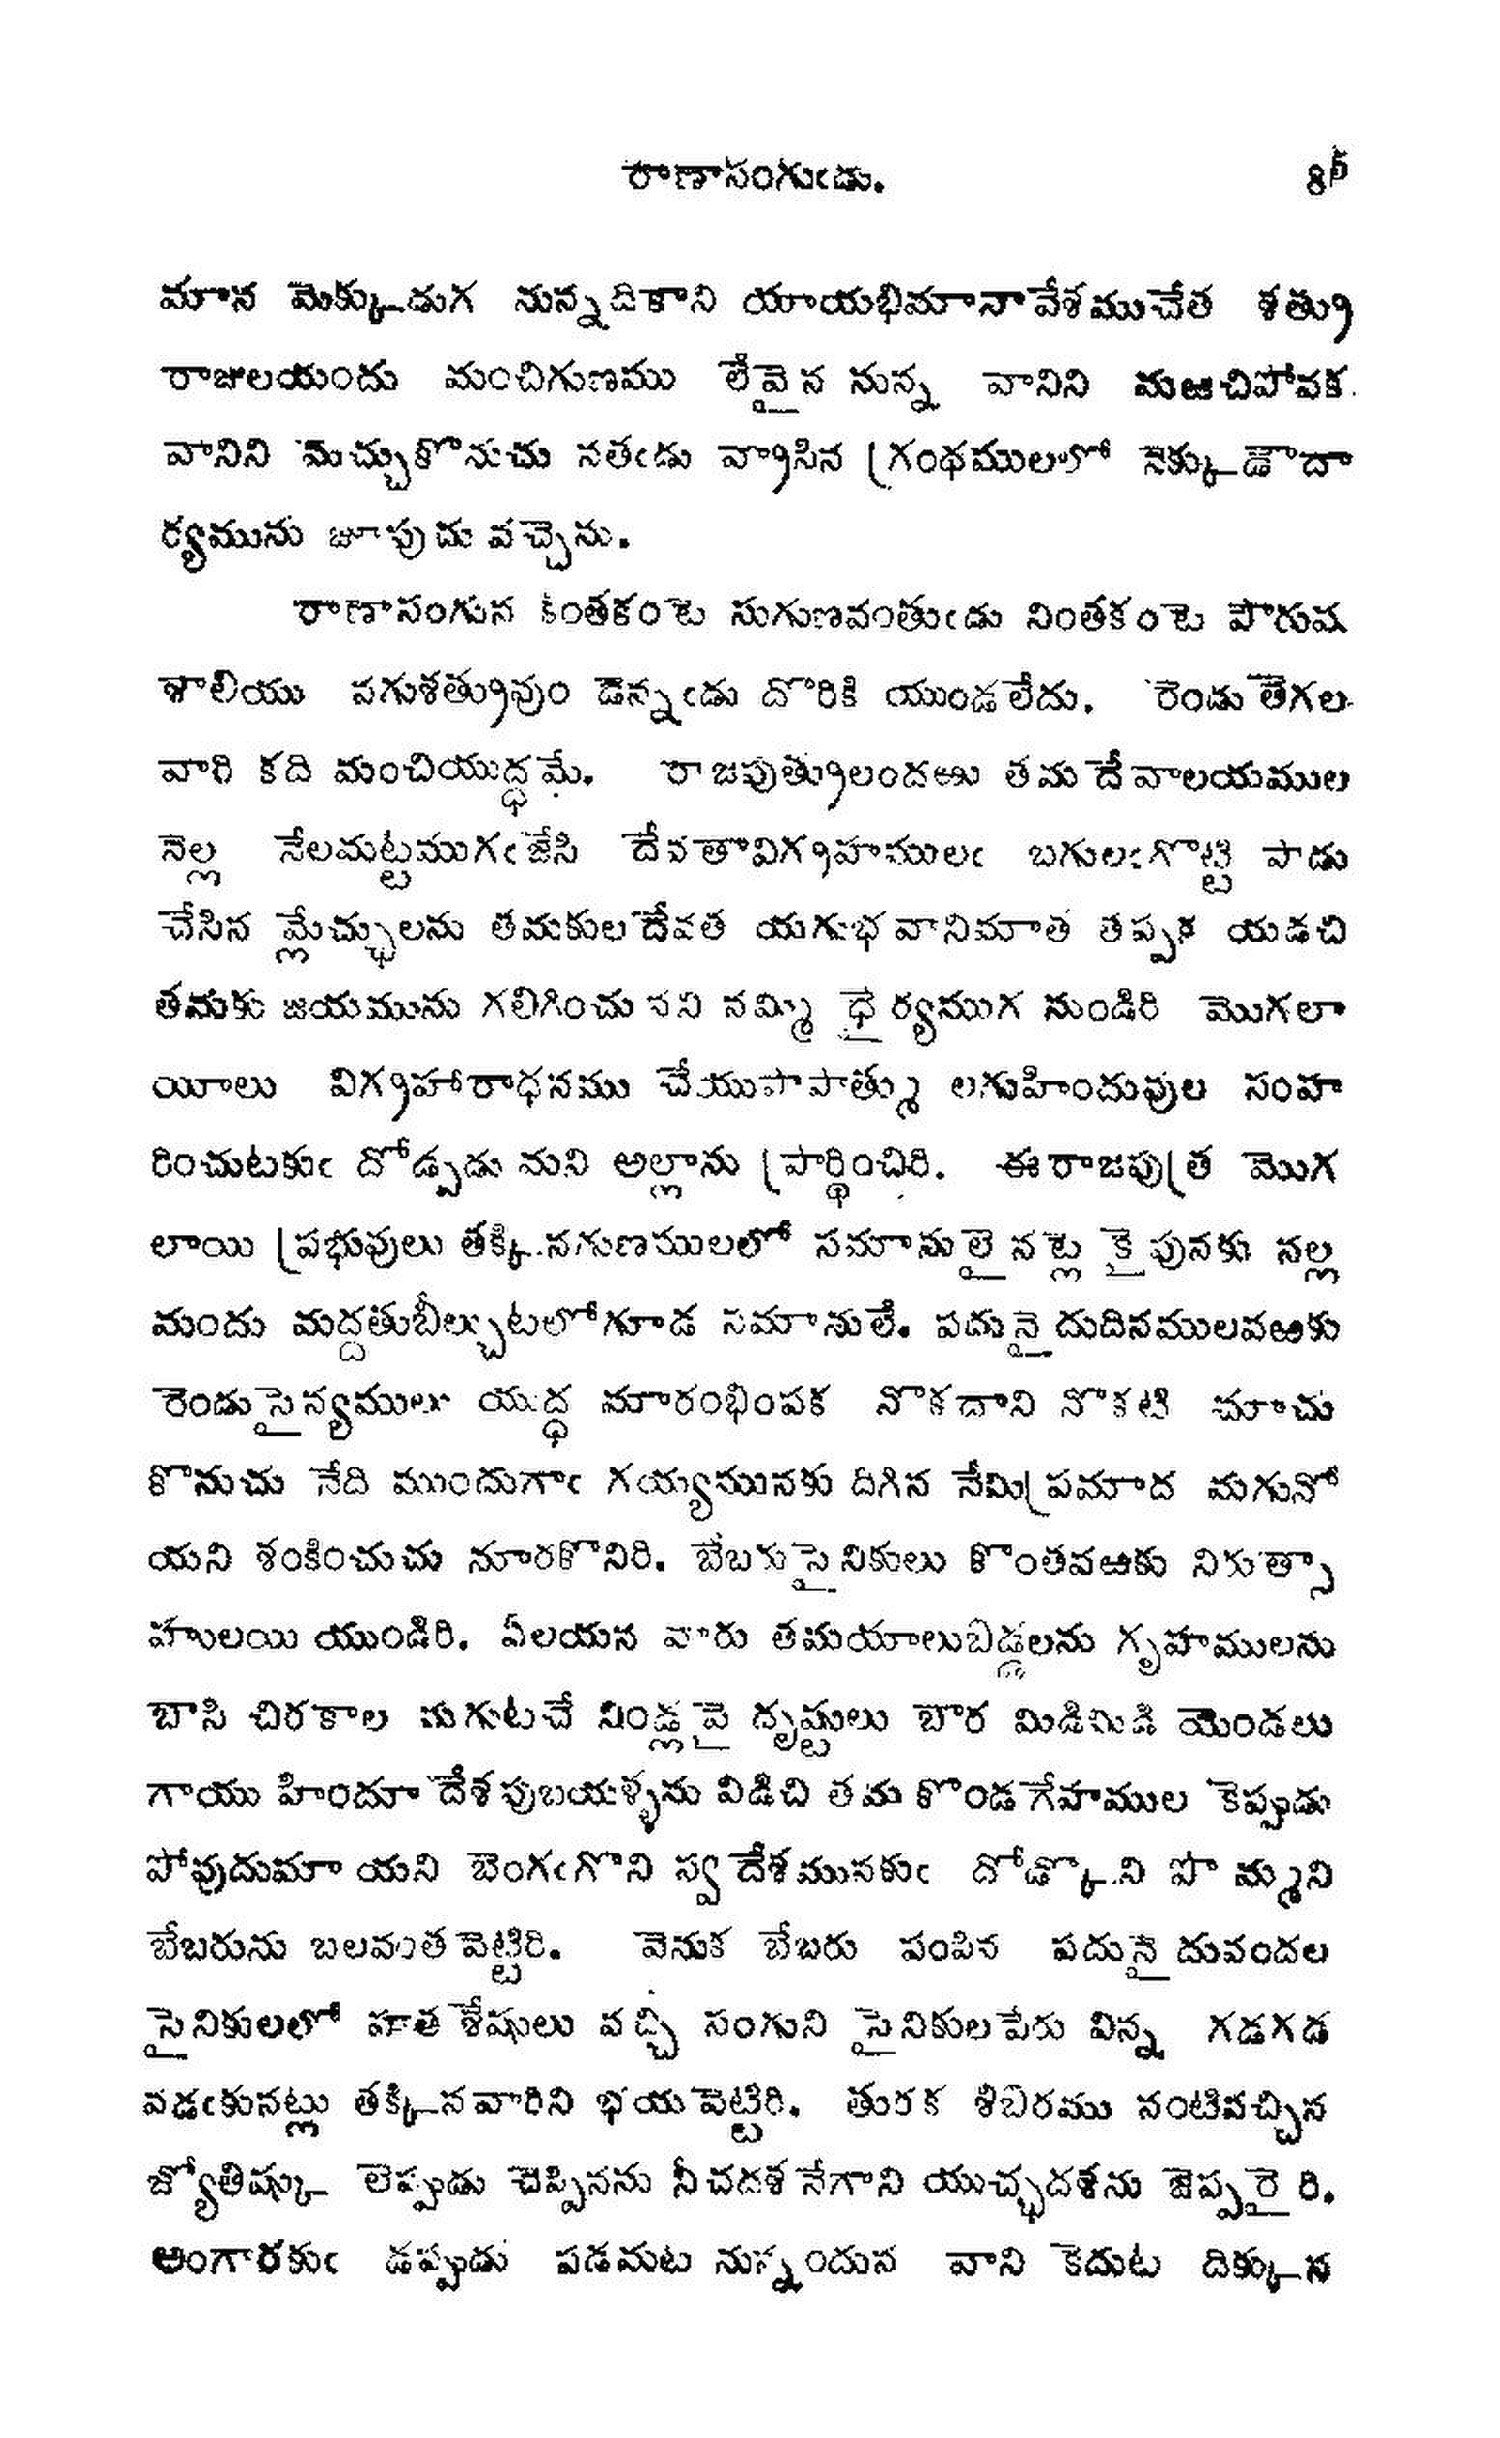మాన మెక్కుడుగ నున్నదికానీ యాయభిమానావేశముచేత శత్రు రాజులయందు మంచిగుణము లేవైన నున్న వానిని మఱచిపోవక
వానిని 'మెచ్చుకొనుచు నతఁడు వ్రాసిన గ్రంథములలో నెక్కు డౌదార్యమును జూపుచు వచ్చెను.

రాణా సంగున కంతకంటే సుగుణవంతుఁడు నింతకంటె పౌరుషశాలియు నగుశత్రువుం డెన్నఁడు దొరికి యుండలేదు. 'రెండు తెగల
వారి కది మంచి యుద్ధమే. రాజపుత్రులందఱు తమ దేవాలయముల నెల్ల నేలమట్టముగఁ జేసి "దేవతావిగ్రహములఁ బగులఁగొట్టి పాడు
చేసిన మ్లేచ్ఛులను తమకులదేవత యగుభవానిమాత తప్పక యడచి తమకు జయమును గలిగించు నని నమ్మి ధైర్యముగ నుండిరి మొగలా
యీలు విగ్రహారాధనము చేయు పాపాత్ము లగుహిందువుల సంహరించుటకుఁ దోడ్పడుమని అల్లాను ప్రార్థించిరి. ఈ రాజపుత్ర మొగ
లాయి ప్రభువులు తక్కినగుణములలో సమానులైనట్లే కైపునకు నల్లమందు మద్దతుబీల్చుటలోగూడ సమానులే. పదునైదుదినములవఱకు
రెండు సైన్యములు యుద్ధ మారంభింపక నొక దాని నొకటి చూచుకొనుచు నేది ముందుగాఁ గయ్యమునకు దిగిన నేమి ప్రమాద మగునో
యని శంకించుచు నూరకొనిరి. బేబరు సైనికులు కొంతవఱకు నిరుత్సాహులయి యుండిరి. ఏలయన వారు తమయాలు బిడ్డలను గృహములను బాసి చిరకాల మగుటచే నిండ్ల పై దృష్టులు బార మిడిమిడి యెండలుగాయు హిందూ దేశపుబయళ్ళను విడిచి తమ కొండ గేహముల 'కెప్పుడు పోవుదుమా యని బెంగఁగొని స్వదేశమునకుఁ దోడ్కొని పొమ్మని బేబరును బలవంత పెట్టిరి. వెనుక బేబరు పంపిన పదునై దువందల సైనికులలో హత శేషులు వచ్చి సంగుని సైనికుల పేరు విన్న గడగడ వడఁకునట్లు తక్కిన వారిని భయ పెట్టిరి. తురక శిబిరము నంటివచ్చిన జ్యోతిష్కు లెప్పుడు చెప్పినను నీచదశ నేగాని యుచ్ఛదశను జెప్పరై రి. అంగారకుఁ డప్పుడు పడమట నున్నందున వాని కెదుట దిక్కున